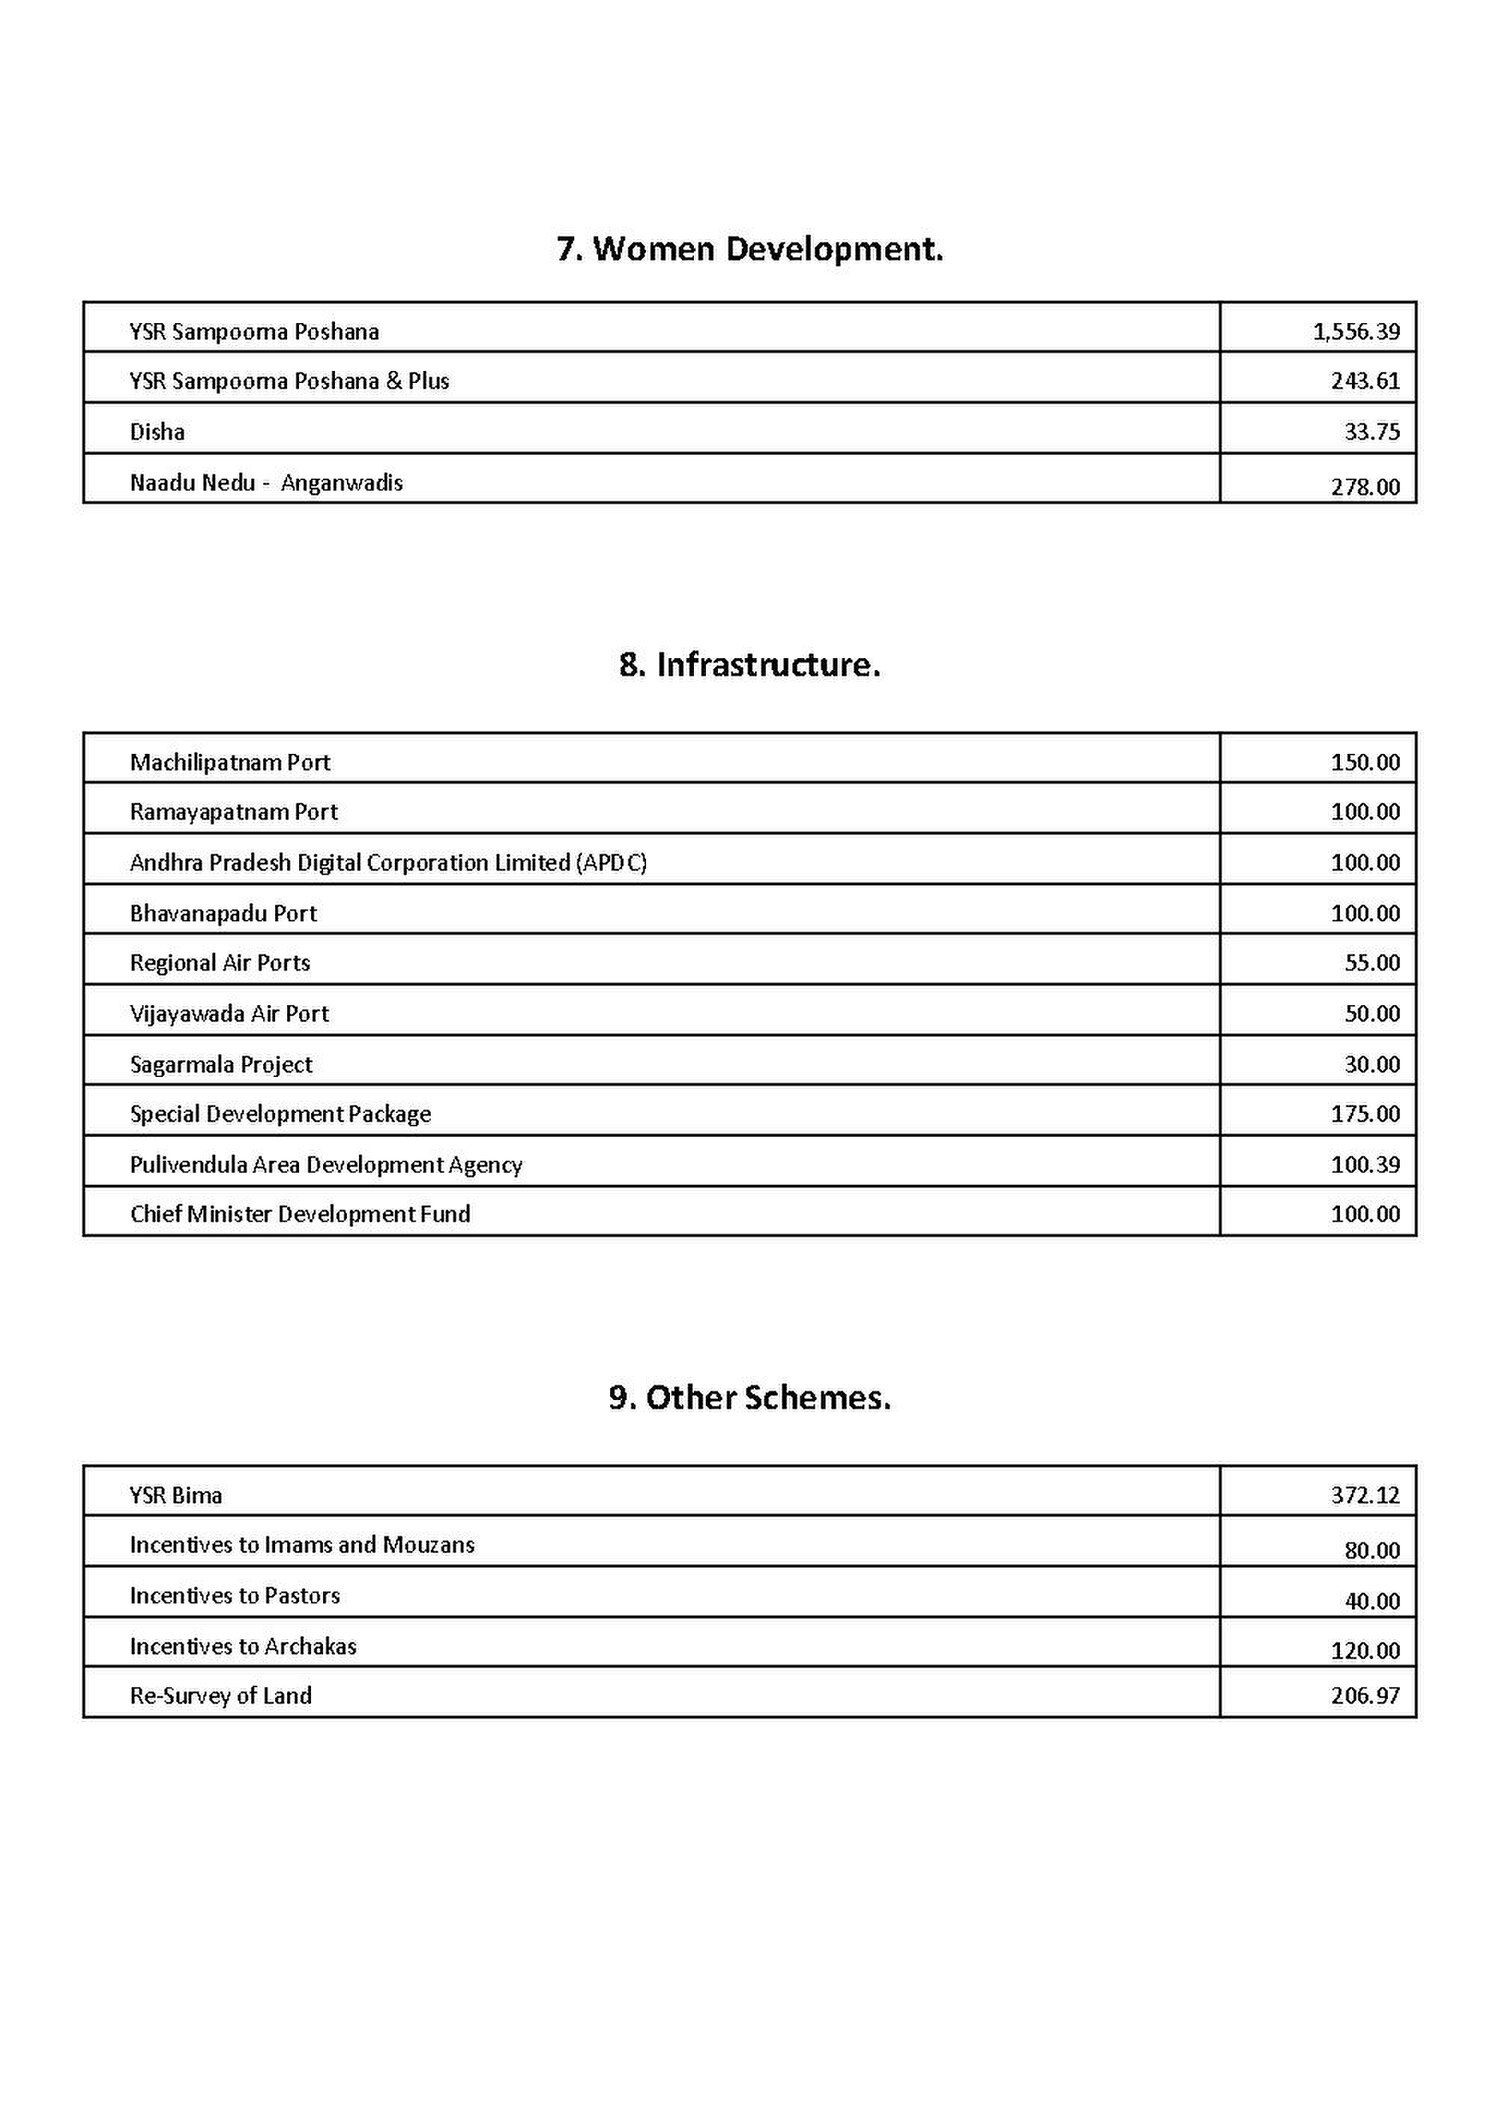7. Women Development.
 YSR Sampoorna Poshana 1,556.39 YSR Sampoorna Poshana & Plus 243.61 Disha 33.75 Naadu Nedu ­ Anganwadis 278.00

8. Infrastructure.

 Machilipatnam Port 150.00 Ramayapatnam Port 100.00 Andhra Pradesh Digital Corporation Limited (APDC) 100.00 Bhavanapadu Port 100.00 Regional Air Ports 55.00 Vijayawada Air Port 50.00 Sagarmala Project 30.00 Special Development Package 175.00 Pulivendula Area Development Agency 100.39 Chief Minister Development Fund 100.00

9. Other Schemes.

 YSR Bima 372.12 Incentives to Imams and Mouzans 80.00 Incentives to Pastors 40.00 Incentives to Archakas 120.00 Re­Survey of Land 206.97